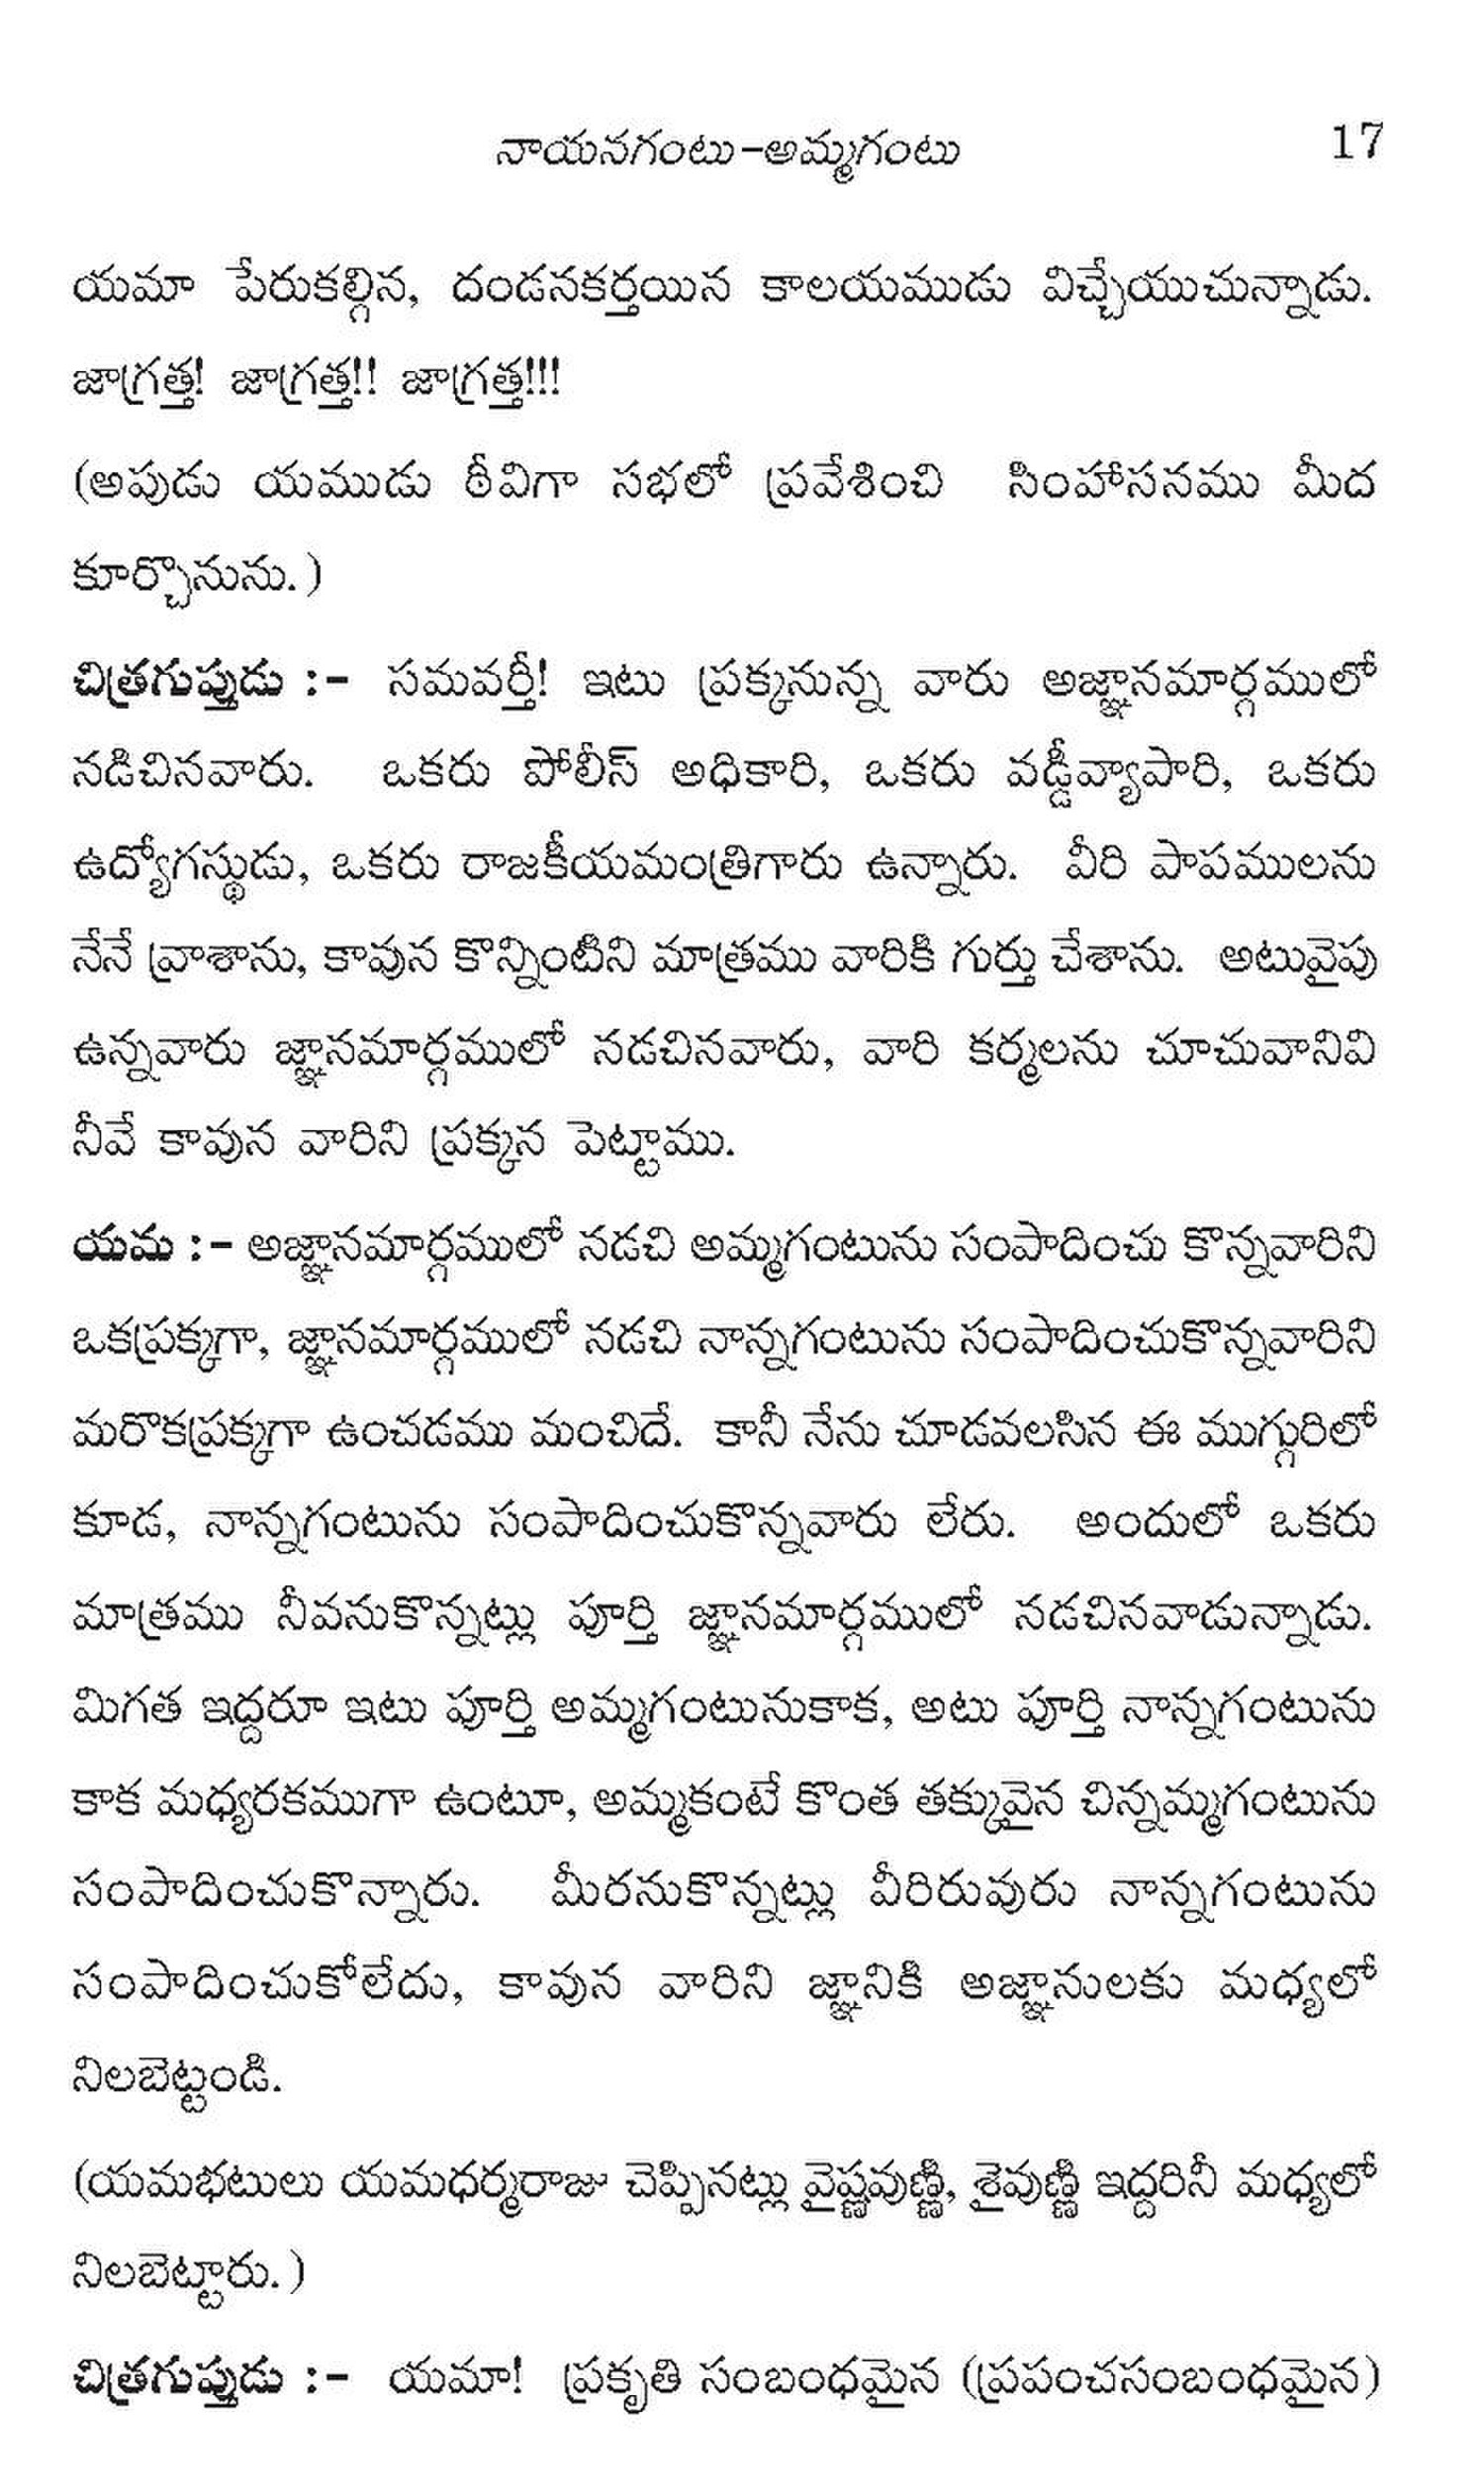యమా పేరుకల్గిన, దండనకర్తయిన కాలయముడు విచ్చేయుచున్నాడు. జాగ్రత్త! జాగ్రత్త!! జాగ్రత్త!!!
(అపుడు యముడు ఠీవిగా సభలో ప్రవేశించి సింహాసనము మీద కూర్చొనును.)

చిత్రగుప్తుడు :- 	సమవర్తీ! ఇటు ప్రక్కనున్న వారు అజ్ఞానమార్గములో నడిచినవారు. ఒకరు పోలీస్‌ అధికారి, ఒకరు వడ్డీవ్యాపారి, ఒకరు ఉద్యోగస్థుడు, ఒకరు రాజకీయమంత్రిగారు ఉన్నారు. వీరి పాపములను నేనే వ్రాశాను, కావున కొన్నింటిని మాత్రము వారికి గుర్తు చేశాను. అటువైపు ఉన్నవారు జ్ఞానమార్గములో నడచినవారు, వారి కర్మలను చూచువానివి నీవే కావున వారిని ప్రక్కన పెట్టాము.

యమ :- అజ్ఞానమార్గములో నడచి అమ్మగంటును సంపాదించు కొన్నవారిని ఒకప్రక్కగా, జ్ఞానమార్గములో నడచి నాన్నగంటును సంపాదించుకొన్నవారిని మరొకప్రక్కగా ఉంచడము మంచిదే. కానీ నేను చూడవలసిన ఈ ముగ్గురిలో కూడ, నాన్నగంటును సంపాదించుకొన్నవారు లేరు. అందులో ఒకరు మాత్రము నీవనుకొన్నట్లు పూర్తి జ్ఞానమార్గములో నడచినవాడున్నాడు. మిగత ఇద్దరూ ఇటు పూర్తి అమ్మగంటునుకాక, అటు పూర్తి నాన్నగంటును కాక మధ్యరకముగా ఉంటూ, అమ్మకంటే కొంత తక్కువైన చిన్నమ్మగంటును సంపాదించుకొన్నారు. మీరనుకొన్నట్లు వీరిరువురు నాన్నగంటును సంపాదించుకోలేదు, కావున వారిని జ్ఞానికి అజ్ఞానులకు మధ్యలో నిలబెట్టండి.

(యమభటులు యమధర్మరాజు చెప్పినట్లు వైష్ణవుణ్ణి, శైవుణ్ణి ఇద్దరినీ మధ్యలో నిలబెట్టారు.)

చిత్రగుప్తుడు :- యమా! ప్రకృతి సంబంధమైన (ప్రపంచసంబంధమైన)